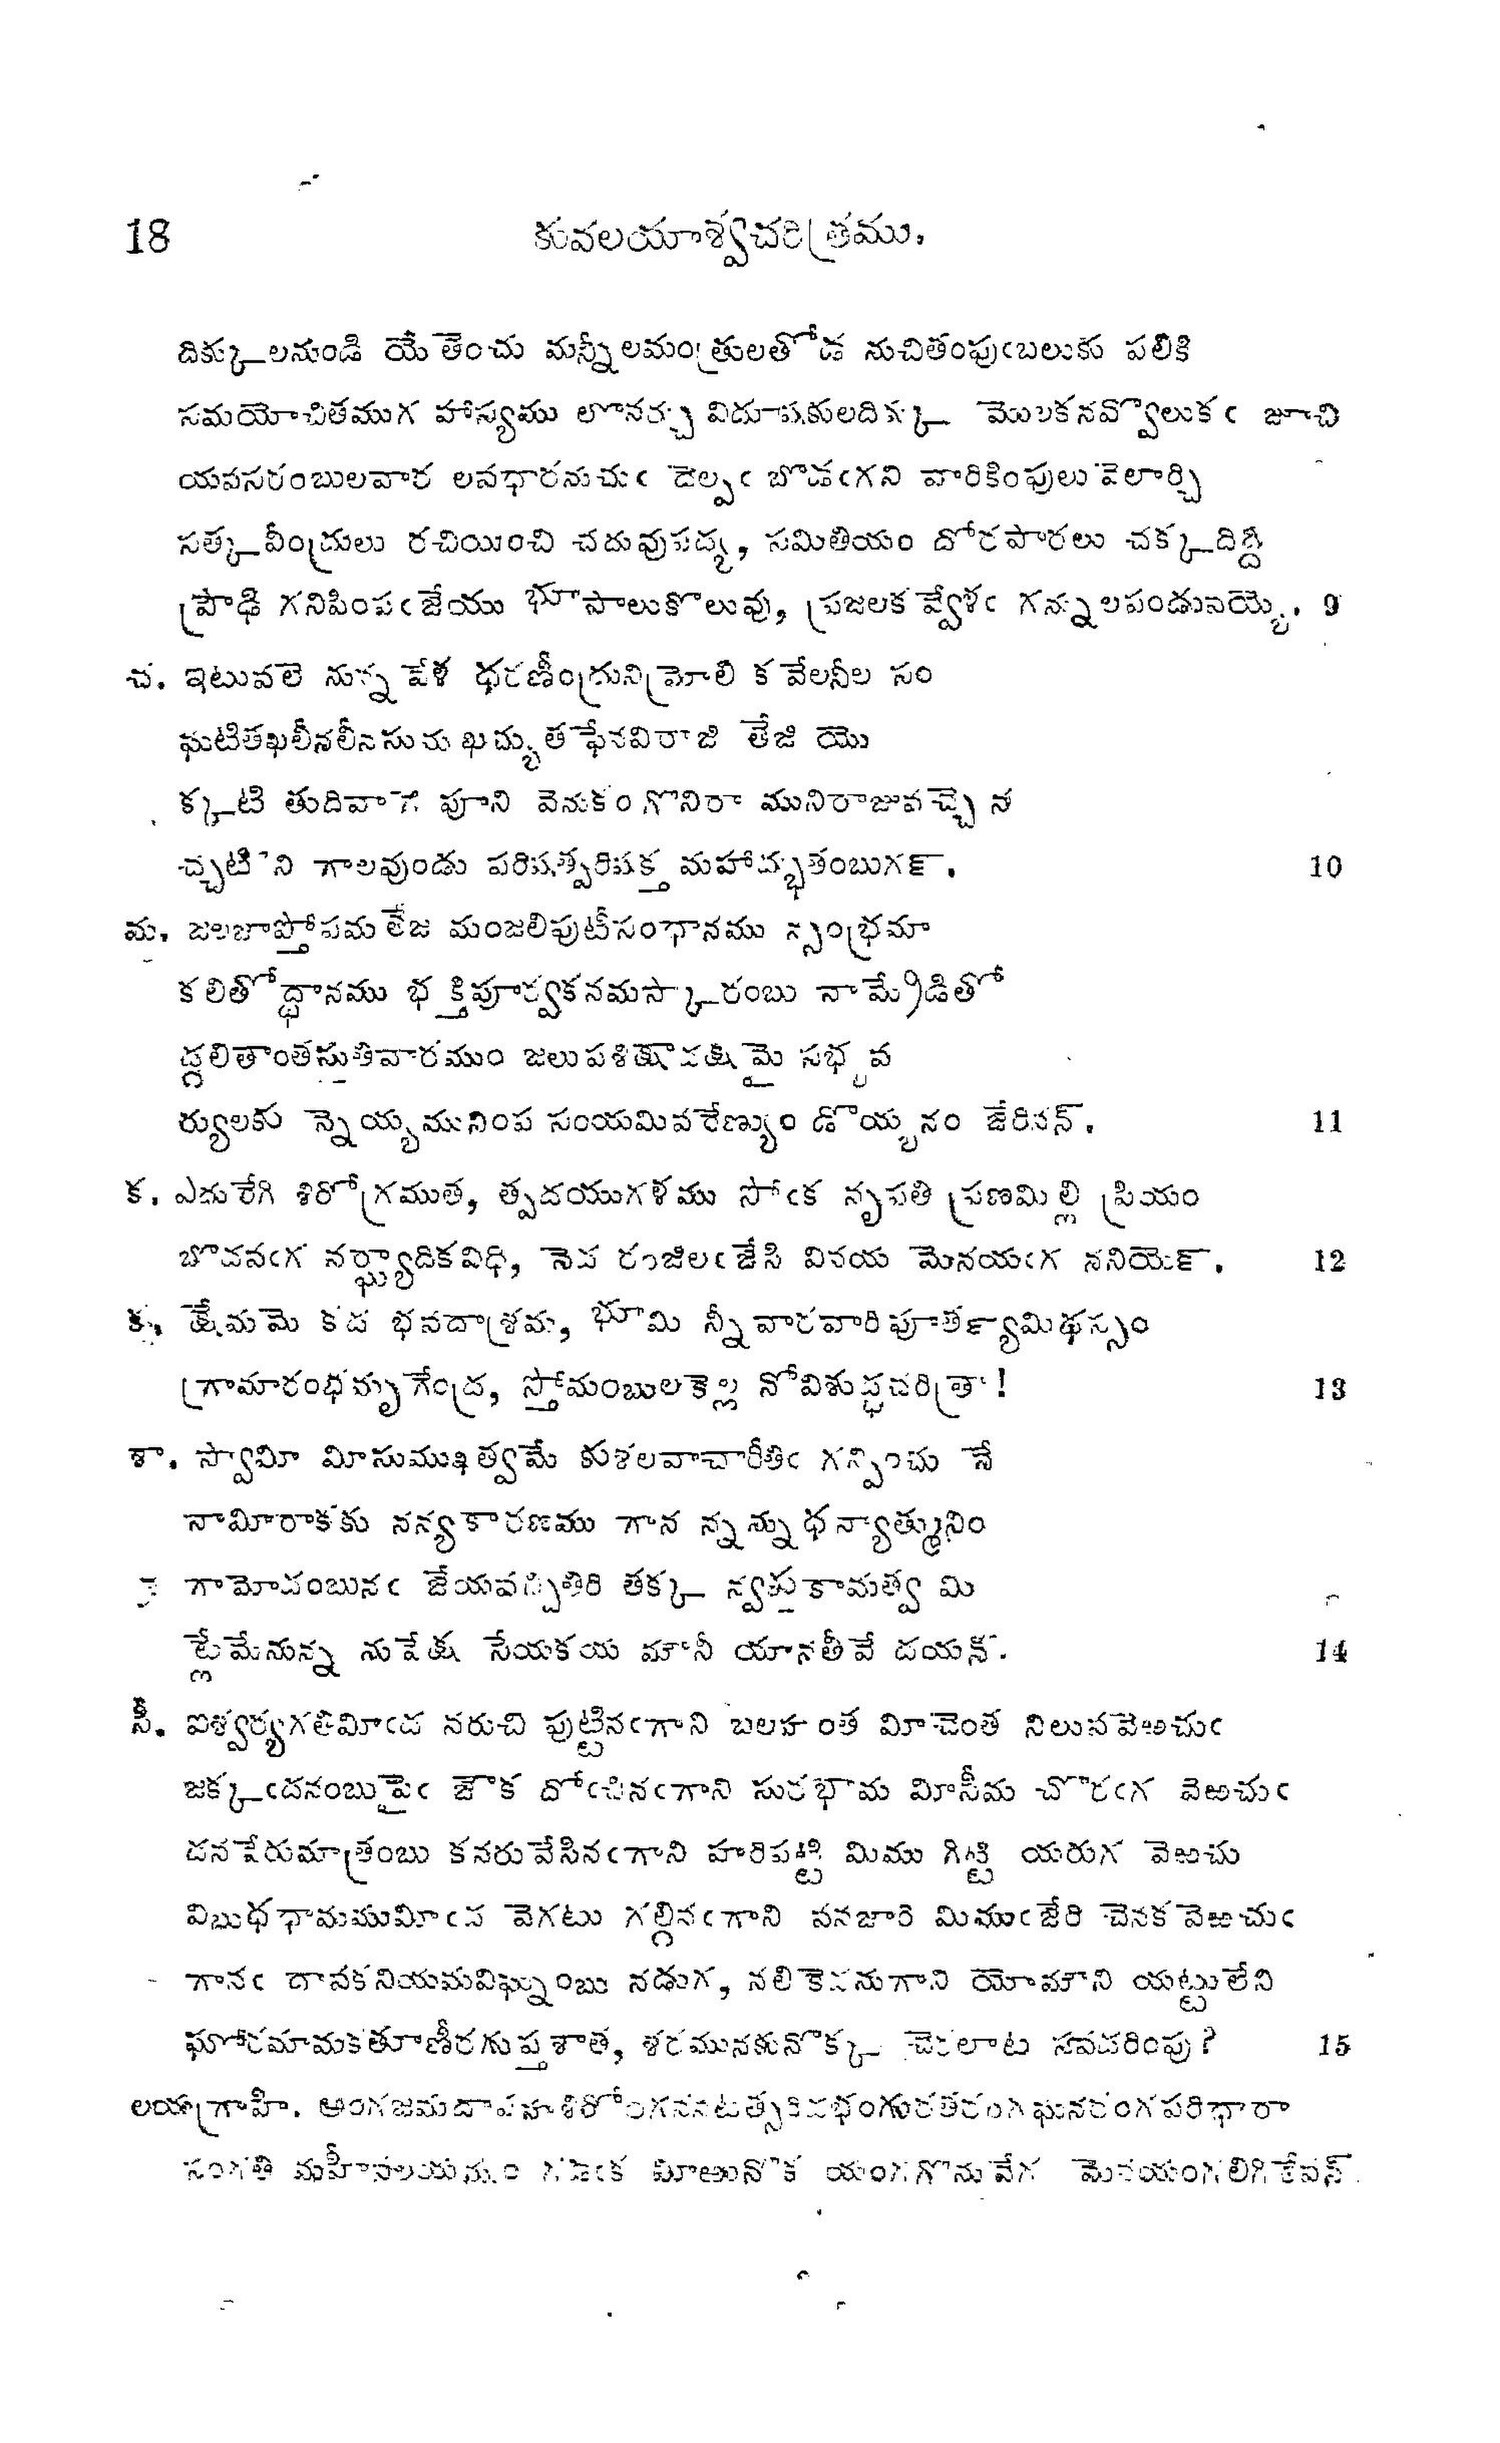దిక్కులనుండి యేతెంచు మన్నీలమంత్రులతోడ నుచితంపుఁబలుకు పలికి
సమయోచితముగ హాస్యము లొనర్చు విదూషకులదిక్కు మొలకనవ్వొలుకఁ జూచి
యవసరంబులవార లవధారనుచుఁ దెల్పఁ బొడఁగనివారి కింపులు వెలార్చి
సత్కవీంద్రులు రచియించి చదువు పద్య, సమితియం దోరపారలు చక్కదిద్ది
ప్రౌఢి గనిపింపఁజేయు భూపాలుకొలువు, ప్రజల కవ్వేళఁ గన్నులపండువయ్యె.
చ. ఇటువలె నున్నవేళ ధరణీంద్రునిమ్రోలిక వేలనీల సం
ఘటితఖలీనలీన సుముఖచ్యుతఫేనవిరాజి తేజి యొ
క్కటి తుదివాగె పూని వెనుకం గొనిరా మునిరాజు వచ్చె న
చ్చటికిని గాలవుండు పరిషత్పరిషక్త మహాద్భుతంబుగన్.
మ. జలజాప్తోపమతేజ మంజలిపుటీసంధానము న్సంభ్రమా
కలితోద్ధానము భక్తిపూర్వకనమస్కారంబు నామ్రేడితో
ద్గలితాంతసేతుతివారముం జలుప శిక్షాదక్షమై సభ్యవ
ర్యులకు న్నెయ్యము నింప సంయమివరేణ్యుం డొయ్యనం జేరినన్.
క. ఎదురేగి శిరోగ్రము త, తృదయుగళము సోఁక నృపతి ప్రణమిల్లి ప్రియం
బొచనఁగ నర్ఘ్యాదికవిధి, నెద రంజిలఁజేసి వినయ మెసఁయఁగ ననియెన్.
క. క్షేమమె కద భవదాశ్రవ, భూమి న్నీవారవారిపూర్త్యమిథస్సం
గ్రామారంభమృగేంద్ర, స్తోమంబులకెల్ల నోవిశుద్ధచరిత్రా!
శా. స్వామీ మీసుముఖత్వమే కుశలవాచారీతిఁ గన్పించు నే
నా మీరాకకు నన్యకారణము గాన న్నన్ను ధన్యాత్మునిం
గా మోదంబునఁ జేయవచ్చితిరి తక్కన్వక్లు కామత్వ మి
ట్లేమేనున్న నుపేక్ష సేయకయ మౌనీ యానతీవే దయన్.
సీ. ఐశ్వర్యగతిమీఁద నరుచి పుట్టినఁగాని బలహంత మీచెంత నిలువ వెఱచుఁ
జక్కఁదనంబుపైఁ జౌక దోఁచినఁగాని సురభామ మీసీమ చొరఁగ వెఱుచుఁ
దనపేరుమాత్రంబు కనరు వేసినఁ గాని హరిపట్టి మిము గిట్టి యరుగ వెఱచు
విబుధధామముమీఁద వెగటు గల్గినఁ గాని ననజారి మిముఁ జేరి చెనక వెఱచుఁ
గానఁ దావకనియమవిఘ్నంబు నడుగ, నలికెదనుగాని యోమౌని యట్టులేని
ఘోరమామకతూణీరగుప్తశాత, శరమునకు నొక్కచెరలాట నవధరింపు.
లయాగ్రాహి. అంగజమదావహశిరోంగవనటత్సరిదభంగురతరంగఘనరంగపరిధారా
సంగతి మహీవలయముం గడఁక మీఱు నొకయంగగొనువేగ మెనయం గలిగి ఠేవన్